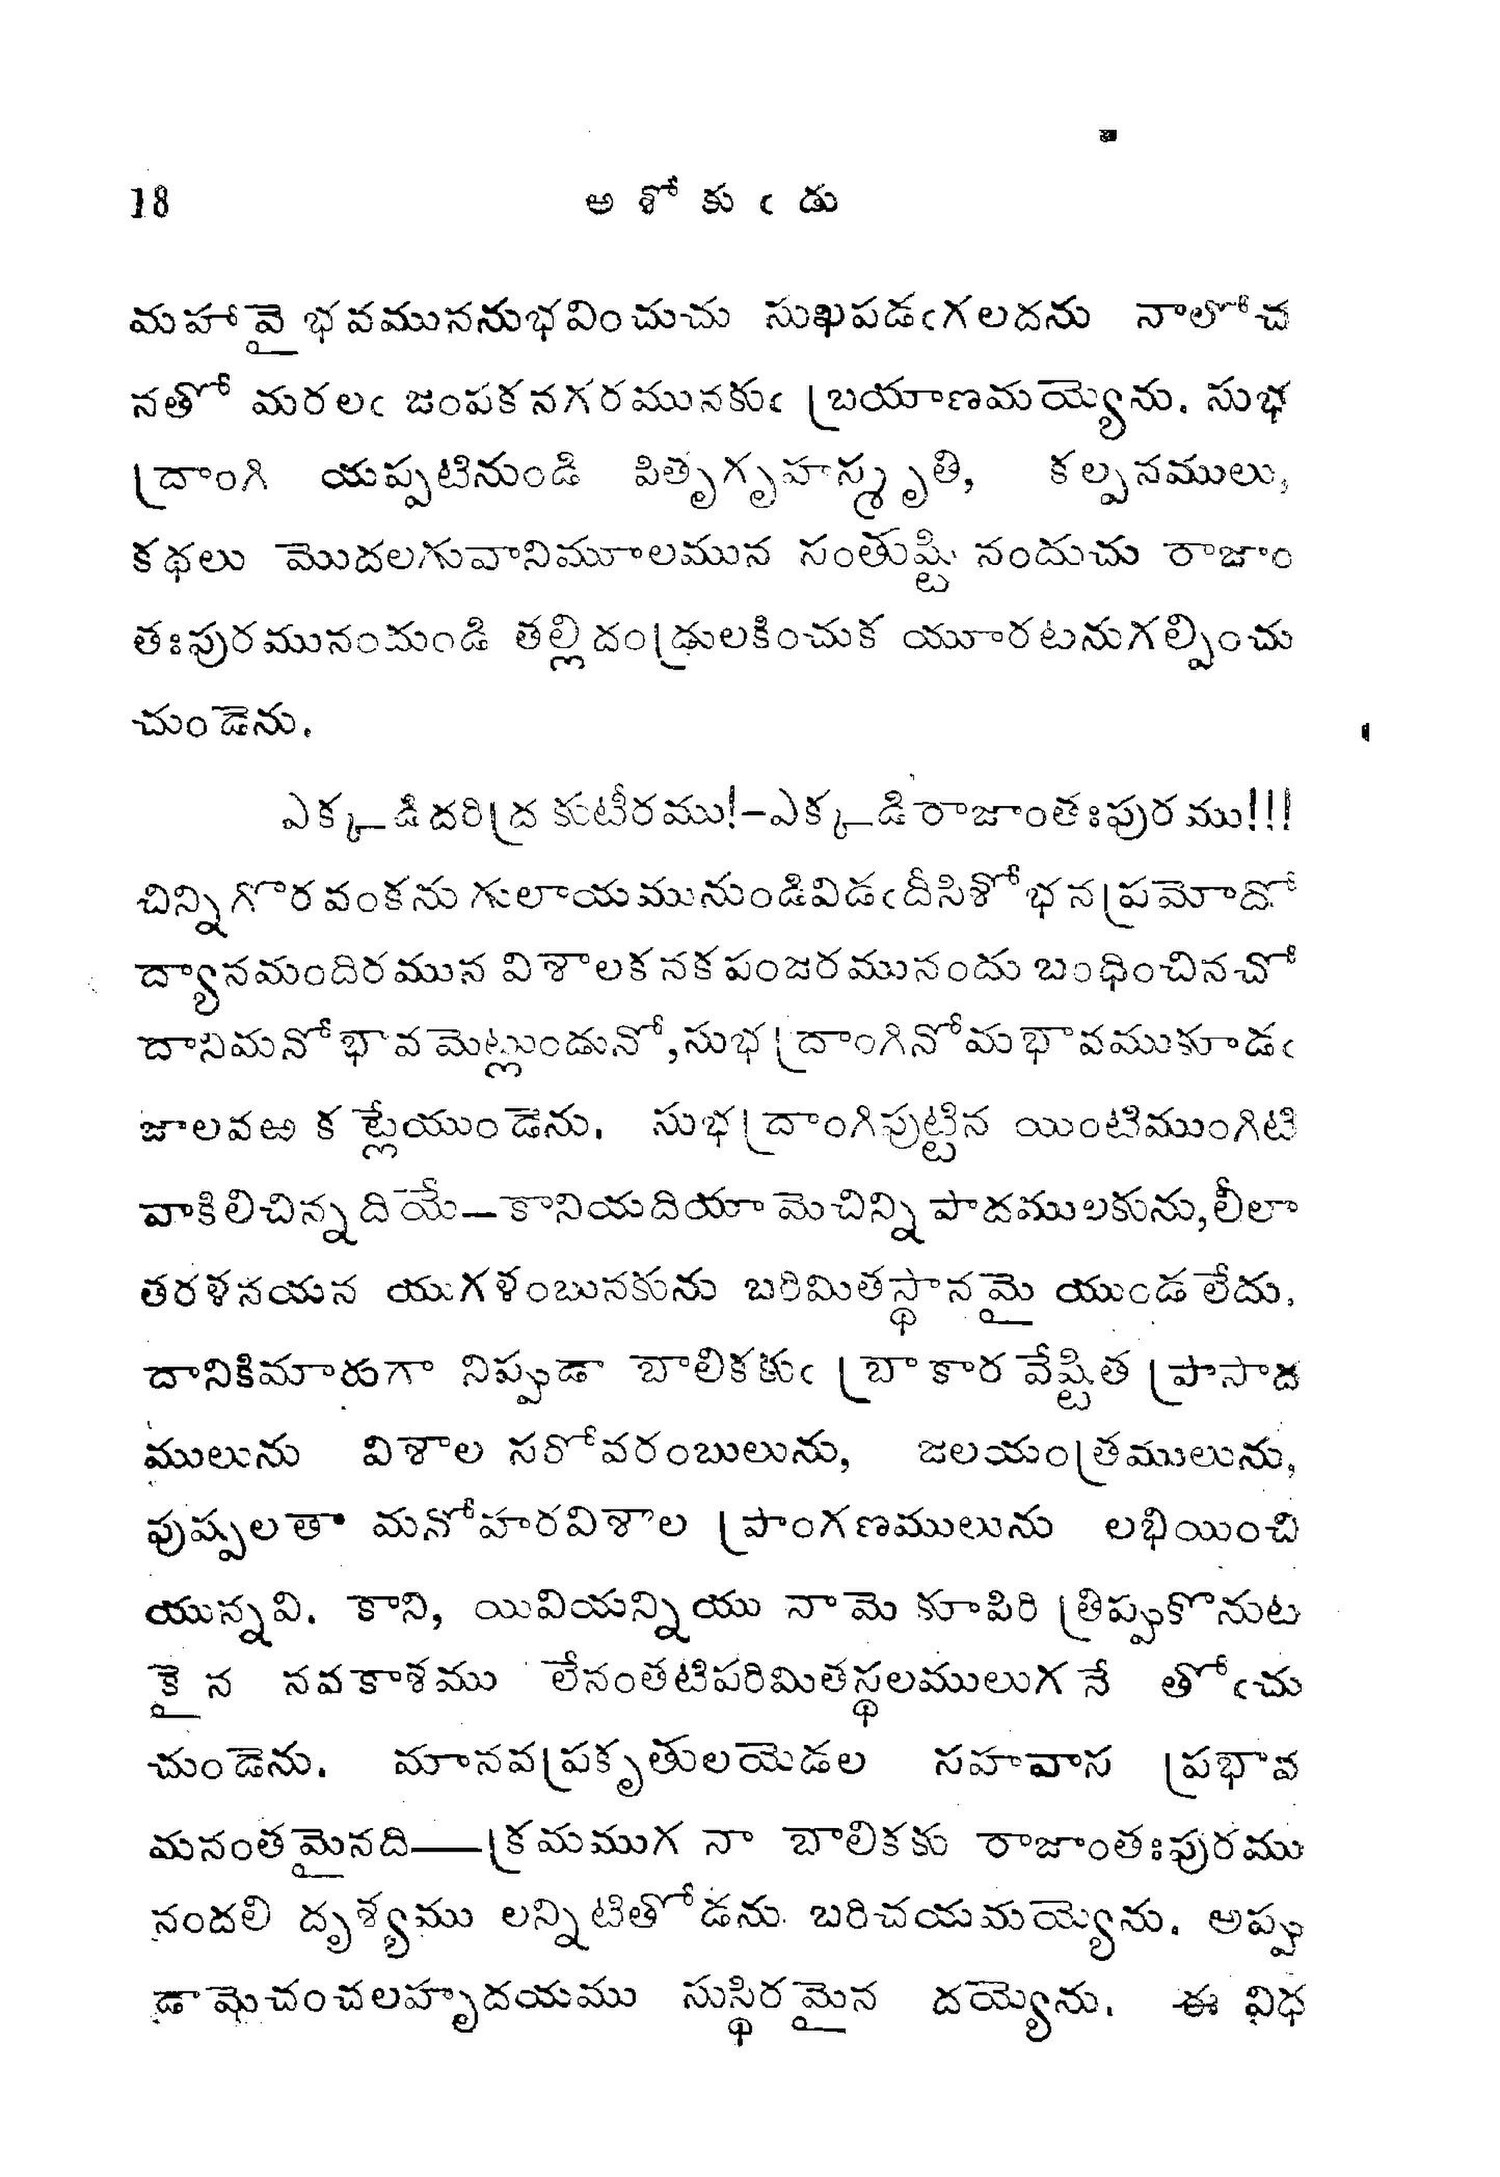మహా వైభవముననుభవించుచు సుఖపడఁగలదను నాలోచనతో మరలఁ జంపక నగరమునకుఁ బ్రయాణమయ్యెను, సుభద్రాంగి యప్పటినుండి పితృగృహస్మృతి, కల్పనములు, కథలు మొదలగు వానిమూలమున సంతుష్టి' నందుచు 'రాజాంతఃపురమునందుండి తల్లిదండ్రులకించుక యూరటను గల్పించుచుండెను.

ఎక్కడీదరిద్రకుటీరము! ఎక్కడి రాజాంతఃపురము!!! చిన్ని గొరవంకను గులాయమునుండి విడఁ దీసిశోభనప్రమోదో ద్యానమందిరమున విశాలకనక పంజరమునందు బంధించినచో దానిమనో భావ మెట్లుండునో, సుభద్రాంగినోమభావముకూడ జాలవఱ కట్లేయుండెను. సుభద్రాంగి పుట్టిన యింటిముంగిటి
వాకిలిచిన్నదియే- కానియదియా మెచిన్ని పాదములకును,లీలా తరళ నయన యుగళంబునకును బరిమిత స్థానమై యుండ లేదు, దానికిమారుగా నిప్పుడా బాలికకుఁ బ్రాకార వేష్టిత ప్రాసాదములును
విశాల సరోవరంబులును, జలయంత్రములును, పుష్పలతా మనోహరవిశాల ప్రాంగణములును లభియించి
యున్నవి. కాని, యివియన్నియు నామె కూపిరి త్రిప్పుకొనుటకైన నవకాశము లేనంతటి పరిమిత స్థలములుగనే తోఁచుచుండెను. మానవప్రకృతులయెడల సహవాస ప్రభావ మనంతమైనది—క్రమముగ నా బాలికకు రాజాంతఃపురము నందలి దృశ్యము లన్ని టితోడను బరిచయమయ్యెను. అప్పుడామె చంచలహృదయము సుస్థిరమైన దయ్యెను. ఈ విధ